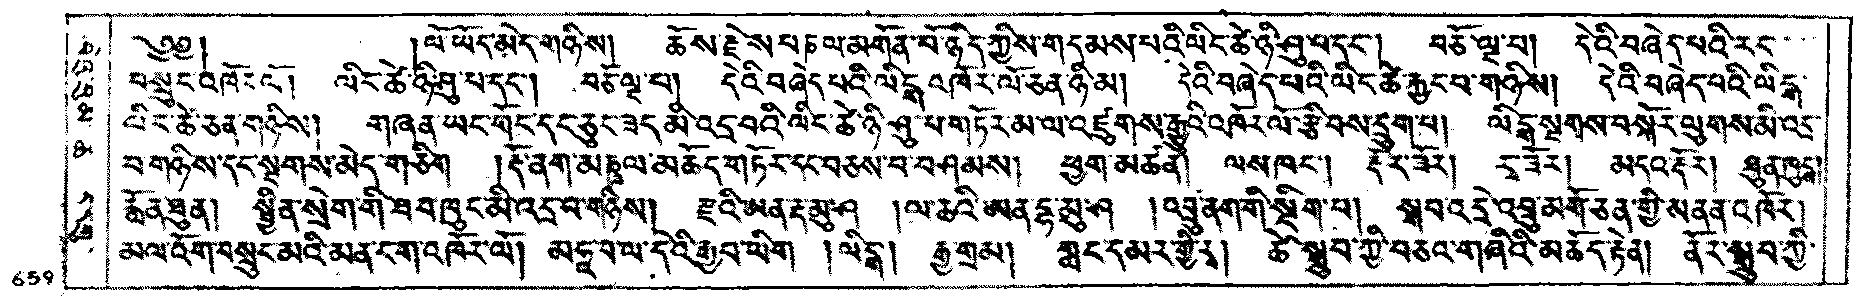༄༅། །ལོ་ཡོད་མེད་གཉིས། ཆོས་རྗེ་ས་པཎ་ལ་མགོན་པོ་ཉིད་ཀྱིས་གདམས་པའི་ལིང་ཚེ་ཉི་ཤུ་པ་དང་། བཅོ་ལྔ་པ། དེའི་བཞེད་པའི་རང་
བསྲུང་འཁོར་ལོ། ལིང་ཚེ་ཉི་ཤུ་པ་དང་། བཅོ་ལྔ་པ། དེའི་བཞེད་པའི་ལིངྒ་འཁོར་ལོ་ཅན་ཉི་མ། དེའི་བཞེད་པའི་ལིང་ཚེ་རྐྱང་པ་གཉིས། དེའི་བཞེད་པའི་ལིངྒ་
ལིང་ཚེ་ཅན་གཉིས། གཞན་ཡང་གོང་དང་ཅུང་ཟད་མི་འདྲ་བའི་ལིང་ཚེ་ཉི་ཤུ་པ་གཏོར་མ་ལ་འཛུགས་རྒྱུའི་འཁོར་ལོ་རྩིབས་དྲུག་པ། ལིངྒ་སྔགས་བསྐོར་ལུགས་མི་འདྲ་
བ་གཉིས་དང་སྔགས་མེད་གཅིག །རྡོ་ནག་མཎྜལ་མཆོད་གཏོར་དང་བཅས་པ་བཤམས། ཕྱག་མཚན། ལས་ཁང་། རྡོར་ཟོར། རྭ་ཟོར། མདའ་རྡོར། ཐུན་ཁུངས།
རློན་ཐུན། སྦྱིན་སྲེག་གི་ཐབ་ཁུང་མི་འདྲ་བ་གཉིས། རྫའི་ཨན་རྡ་མུ་ཤ་།ལ་ཆའི་ཨན་དྷ་མུ་ཤ་།འབྲུ་ནག་གི་སྡིག་པ། སྒབ་འདྲེ་འབྲུ་མགོ་ཅན་གྱི་མནན་འཁོར།
མལ་འོག་བསྲུང་མའི་མན་ངག་འཁོར་ལོ། མཧཱ་བ་ལ་དེའི་རྒྱབ་ཡིག །ལིངྒ། རྒྱ་གྲམ། གླང་དམར་གྱི་རྭ། ཚེ་སྒྲུབ་ཀྱི་བཅའ་གཞིའི་མཆོད་རྟེན། ནོར་སྒྲུབ་ཀྱི་